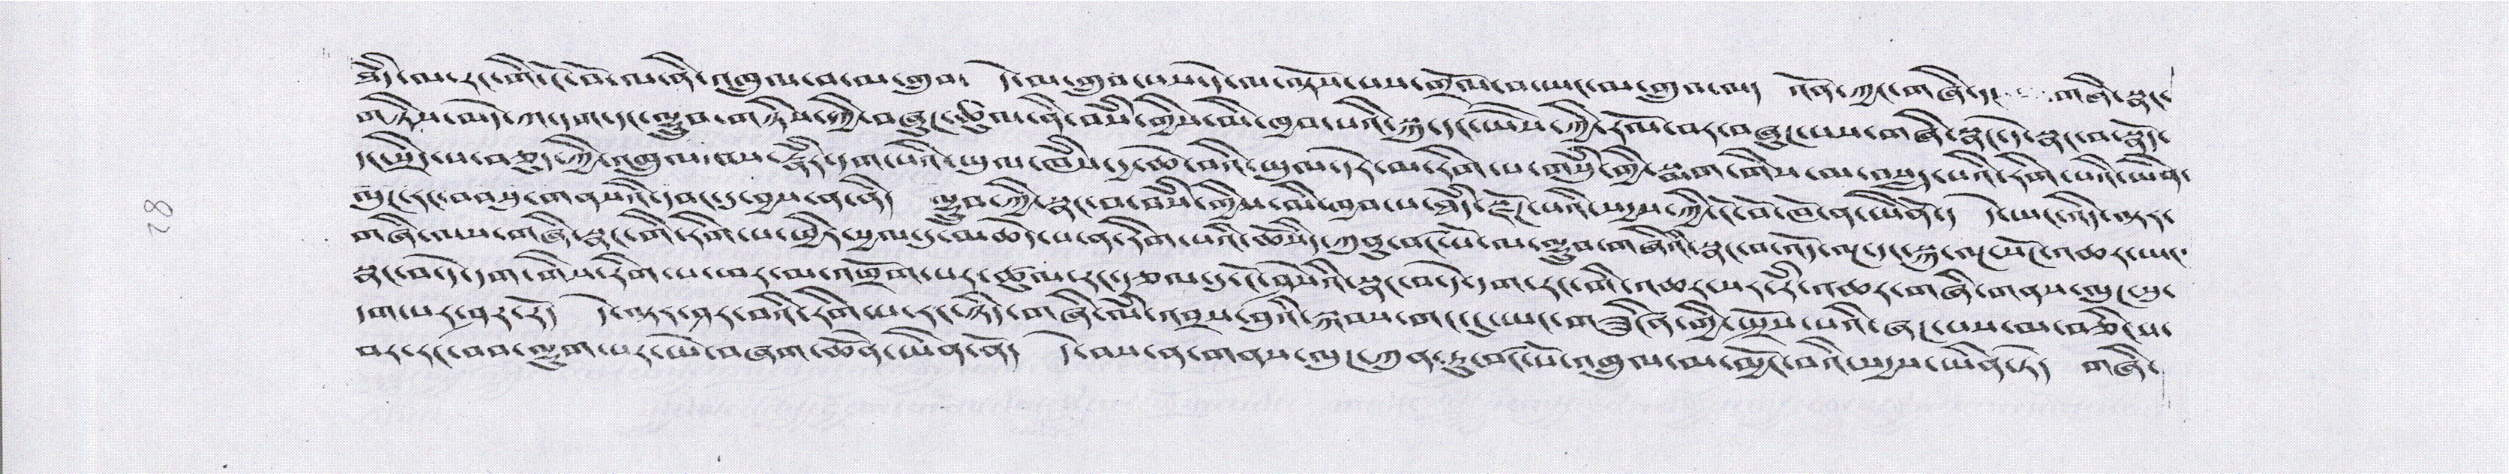ཐམས་ཅད་ལ་རང་གི་ངོ་བོ་ལ་ནི་འཁྲུལ་པ་མ་གྲུབ་དེ་མ་གྲུབ་པས་དེ་ལ་ལྟོས་ཏེ་གྲོལ་བ་ཡང་མ་གྲུབ་ལ། འོན་ཀྱང་གཞི་དང་གཞི་སྣང་
གཉིས་མེད་ཀ་དག་དང་ལྷུན་གྲུབ་གཉིས་ཀྱི་བཞུགས་ཚུལ་ནི་བསམ་གྱིས་མི་ཁྱབ་པའི་སྐུ་དང་ཡེ་ཤེས་ཀྱི་རོལ་པར་བཞུགས་པས་གཞི་སྣང་དེ་སྣང་བ་སྣོད་
དང་སྲིད་པ་བཅུད་ཀྱི་འཁྲུལ་པས་རྣམ་པར་དག་པའི་ཡུལ་ཁམས་རྒྱ་ཆེ་བའི་ཡུལ་དེར་མ་རིག་པ་གསུམ་གྱི་སྨག་གིས་མ་བསླད་པའི་རིག་པའི་ཡིན་
ལུགས་རང་བབས་སུ་གནས་པའི་དབང་དུ་བྱས་ན་ནི། ལྷུན་གྲུབ་ཀྱི་སྣང་བ་བསམ་གྱིས་མི་ཁྱབ་པ་ཐམས་ཅད་རྫོགས་པའི་སངས་རྒྱས་ཀྱི་ངོ་བོ་ཁོ་ན་ཡིན་ནོ། དེ་ཡང་འདི་ལྟར་
གཞི་ལས་གཞི་སྣང་གི་རིག་པ་ཕྱིར་གསལ་དུ་མཆེད་པ་ན་རིག་པའི་ཆོས་ཉིད་ཀུན་ཏུ་བཟང་པོ་ལ་ལྷུན་གྲུབ་གཞིའི་སྣང་བ་འོད་ལྔ་དང་སྐུ་ལྔ་སོགས་འཆར་ཡང་
སྣང་བ་དེ་དག་གིས་རིག་པ་ཕར་མ་འཕྲོག་པར་ཚུར་རང་རྩལ་དུ་ངོ་ཤེས་པའི་སྣང་བ་དེ་དག་རང་གི་འཆར་སར་རམ་འཆར་གཞི་གནས་ལུགས་སུ་
དག་པར་ཤར་རོ། དེ་ལྟར་ཤར་བའི་རིག་པ་རང་ཉིད་གཞི་ལམ་འབྲས་བུའི་སྐབས་གང་དུའང་གཟུང་འཛིན་གྱི་སྤྲོས་པའི་ཞགས་པས་མ་བཅིངས་
པར་རང་བབས་ལྷུག་པར་ཡེ་བཞག་ཆེན་པོ་ཡིན་ནོ། དེ་བས་ན་གནས་ལུགས་ཀུན་ཏུ་བཟང་པོ་འཁྲུལ་མ་མྱོང་བའི་སངས་རྒྱས་ཡིན་ཏེ། གཞི་